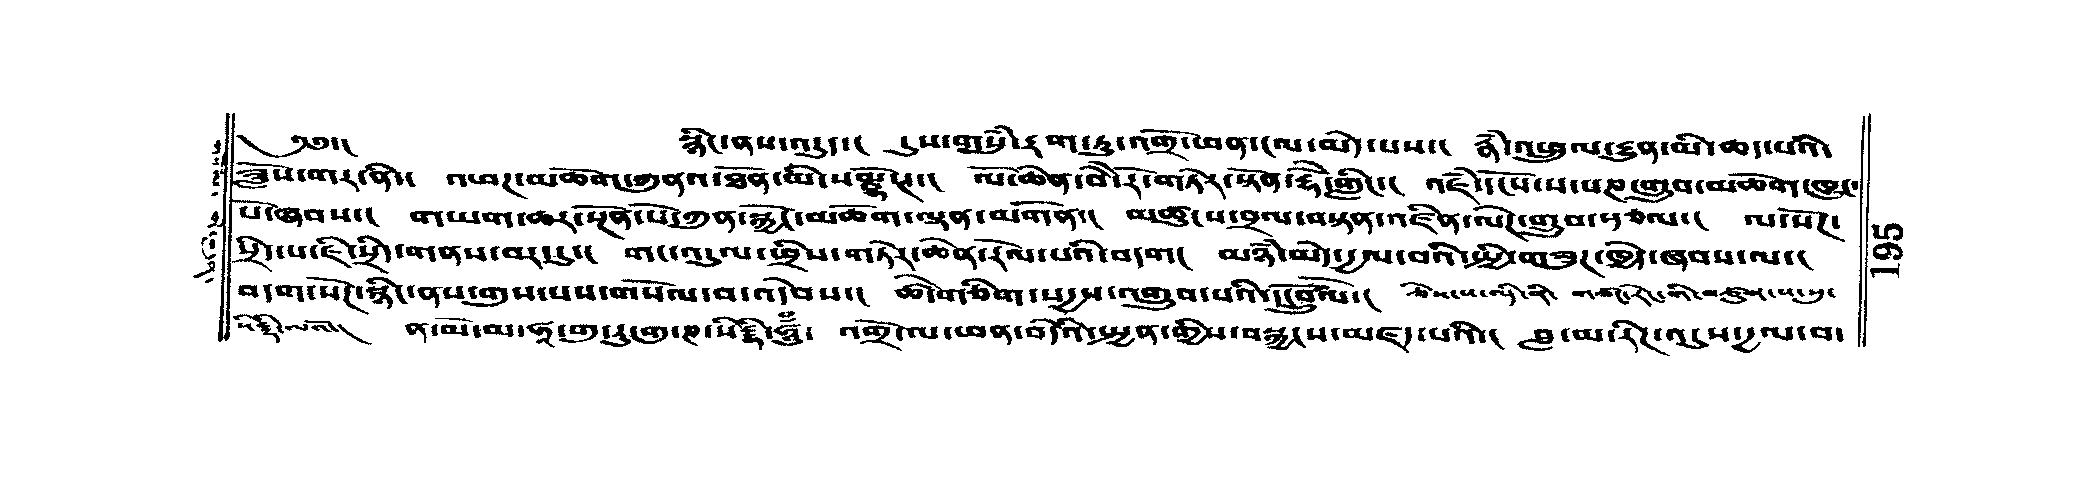སྙིང་ནས་འདུད། །དུས་གསུམ་རྟག་ཏུ་འགྲོ་ཕན་ངལ་མེད་པས། །རྣམ་འཕྲུལ་རྒྱུན་མི་ཆད་པའི་
ཟློས་གར་ནི། །འཕགས་མཆོག་ཀུན་དགའ་ཐོན་མི་སམྦྷོ་ཊ། །ལོ་ཆེན་བཻ་རོ་གཏེར་སྟོན་རྡོ་རྗེ་གླིང་། །འཇམ་དངོས་ས་པཎ་གྲུབ་མཆོག་ཁྱུང་
པོ་ཞབས། །གཡང་ཆར་སྔོན་པོ་ཀུན་སྐྱོང་མཆོག་ལྡན་མགོན། །མཚུངས་བྲལ་བསྟན་འཛིན་རྡོ་རྗེ་ལེགས་གྲུབ་རྩལ། །ལ་སོགས་
སྲིད་པ་ཇི་སྲིད་གནས་བར་དུ། །གང་འདུལ་ཕྲིན་ལས་གཏེར་ཆེན་རོལ་པའི་བདག།མཉམ་མེད་རྒྱལ་བའི་སྤྱི་གཟུགས་ཁྱེད་ཞབས་ལ། །
བདག་སོགས་སྙིང་ནས་གུས་པས་གསོལ་བ་འདེབས། །ཚེ་གཅིག་སངས་རྒྱས་འགྲུབ་པའི་དངོས་གྲུབ་སྩོལ། ཅེས་པ་འདི་ནི་གཙང་རོང་གི་བཙུན་པ་སུ་
སིདྡྷི་ལའོ།། ན་མོ་མ་ཧཱ་གུ་རུ་གུ་ཎ་སིདྡྷི་ཧཱུྃ། འགྲོ་ལ་ཕན་བདེའི་སྤྱན་གྱིས་སྐྱོང་མཛད་པའི། །བླ་མ་རིགས་འདུས་རྒྱལ་བ་